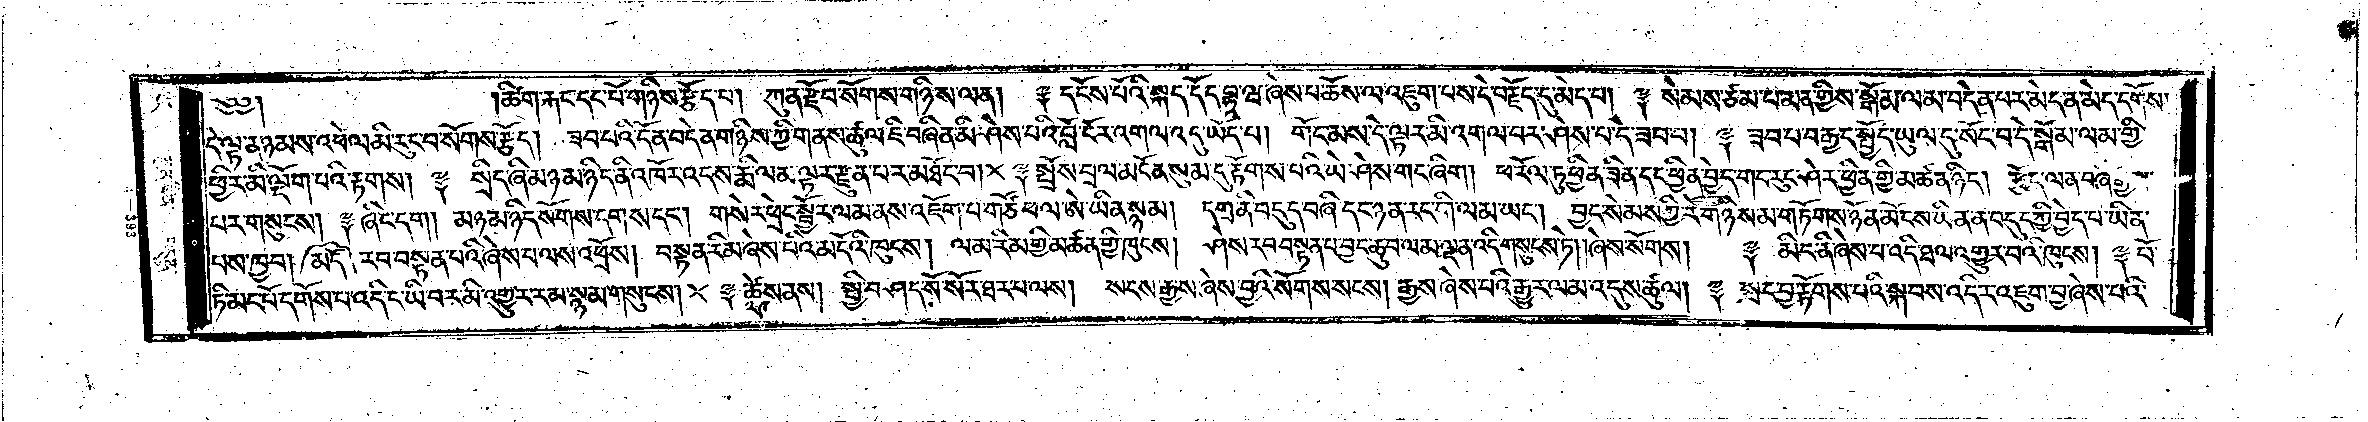༄༅། །ཚིག་རྐང་དང་པོ་གཉིས་རྩོད་པ། ཀུན་རྫོབ་སོགས་གཉིས་ལན། ༈ དངོས་པོའི་སྐད་དོད་བྷཱ་ཝ་ཞེས་པ་ཆོས་ལ་འཇུག་པས་དེ་བརྗོད་དུ་མེད་པ། ༈ སེམས་ཙམ་པ་མན་གྱིས་སྒོམ་ལམ་བདེན་པར་མེད་ན་མེད་དགོས།
དེ་ལྟ་ན་ཉམས་འཕེལ་མི་རུང་བ་སོགས་རྩོད། ཟབ་པའི་དོན་བདེན་གཉིས་ཀྱི་གནས་ཚུལ་ཇི་བཞིན་མི་ཤེས་པའི་བློ་ངོར་འགལ་འདུ་ཡོད་པ། གོང་མས་དེ་ལྟར་མི་འགལ་བར་ཤེས་པ་དེ་ཟབ་པ། ༈ ཟབ་པ་བརྒྱད་སྤྱོད་ཡུལ་དུ་སོང་བ་དེ་སྒོམ་ལམ་གྱི་
ཕྱིར་མི་ལྡོག་པའི་རྟགས། ༈ སྲིད་ཞི་མཉམ་ཉིད་ནི་འཁོར་འདས་རྨི་ལམ་ལྟར་རྫུན་པར་མཐོང་བ། ྾་༈ སྤྲོས་བྲལ་མངོན་སུམ་དུ་རྟོགས་པའི་ཡེ་ཤེས་གང་ཞིག །ཕ་རོལ་ཏུ་ཕྱིན་ཟིན་དང་ཕྱིན་བྱེད་གང་རུང་ཤེར་ཕྱིན་གྱི་མཚན་ཉིད། རྩོད་ལན་བཞི་རྒྱས་
པར་གསུངས། ༈ ཞིང་དག །མཉམ་ཉིད་སོགས་དགས་དང་། གསེར་ཕྲེང་སྦྱོར་ལམ་ནས་འཇོག་པ་གཙོ་ཕལ་ཨེ་ཡིན་སྙམ། དགྲ་ནི་བདུད་བཞི་དང་ཉན་རང་གི་ལམ་ཡང་། བྱང་སེམས་ཀྱི་རེ་གཉིས་མ་གཏོགས་ཉོན་མོངས་ཡིན་ན་བདུད་ཀྱི་བྱེད་པ་ཡིན་
པས་ཁྱབ། ༼མདོ༽ རབ་བསྟན་པའི་ཞེས་པ་ལས་འཕྲོས། བསྟན་རིམ་ཞེས་པའི་མདོའི་ཁུངས། ལམ་རིམ་གྱི་མཚན་གྱི་ཁུངས། ཤེས་རབ་བསྟན་པ་བྱང་ཆུབ་ལམ་ལྡན་འདི་གསུངས་ཏེ། །ཞེས་སོགས། ༈ མིང་ནི་ཞེས་པ་འདི་ཐལ་འགྱུར་བའི་ཁུངས། ༈ པོ་
ཏི་མང་པོ་དགོས་པ་འདི་ང་ཡི་བར་མི་འགྱུར་རམ་སྙམ་གསུངས། ྾་༈ ཚེས ༢༩་ནས། སྤྱི་བཤད་སོ་སོར་ཐར་པ་ལས། སངས་རྒྱས་ཞེས་བྱའི་སོགས་སངས། རྒྱས་ཞེས་པའི་རྒྱུར་ལམ་འདུས་ཚུལ། ༈ སྤང་བྱ་རྟོགས་པའི་སྐབས་འདིར་འཇུག་བྱ་ཞེས་པའི་